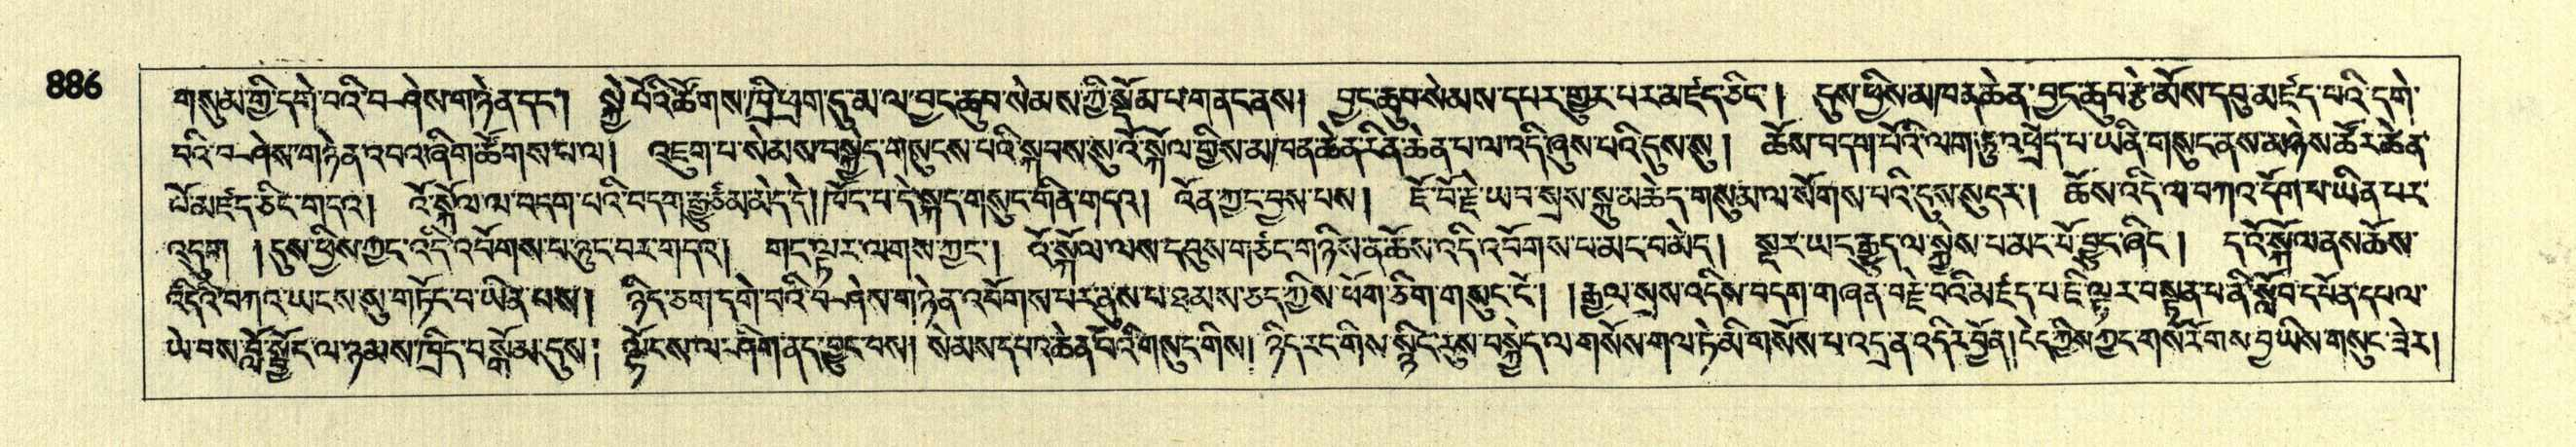གསུམ་གྱི་དགེ་བའི་བཤེས་གཉེན་དང་། སྐྱེ་པོའི་ཚོགས་ཁྲི་ཕྲག་དུ་མ་ལ་བྱང་ཆུབ་སེམས་ཀྱི་སྡོམ་པ་གནང་ནས། བྱང་ཆུབ་སེམས་དཔར་གྱུར་པར་མཛད་ཅིང་། དུས་ཕྱིས་མཁན་ཆེན་བྱང་ཆུབ་རྩེ་མོས་དབུ་མཛད་པའི་དགེ་
བའི་བཤེས་གཉེན་འབའ་ཞིག་ཚོགས་པ་ལ། འཇུག་པ་སེམས་བསྐྱེད་གསུངས་པའི་སྐབས་སུ་འོ་སྐོལ་གྱིས་མཁན་ཆེན་རིན་ཆེན་པ་ལ་འདི་ཞུས་པའི་དུས་སུ། ཆོས་བདག་པོའི་ལག་ཏུ་འཕྲེད་པ་ཡིན་གསུང་ནས་མཉེས་ཚོར་ཆེན་
པོ་མཛད་ཅིང་གདའ། འོ་སྐོལ་ལ་བདག་པའི་བདག་རྒྱུ་ཙམ་མེད་དེ། ཁོང་པ་དེ་སྐད་གསུང་གིན་གདའ། འོན་ཀྱང་བྱས་པས། ཇོ་བོ་རྗེ་ཡབ་སྲས་སྐུ་མཆེད་གསུམ་ལ་སོགས་པའི་དུས་སུ་དར། ཆོས་འདི་ལ་བཀའ་དོག་པ་ཡིན་པར་
འདུག །དུས་ཕྱིས་ཀྱང་འདི་འབོགས་པ་ཉུང་བར་གདའ། གང་ལྟར་ལགས་ཀྱང་། འོ་སྐོལ་ལས་དབུས་གཙང་གཉིས་ན་ཆོས་འདི་འབོགས་པ་མང་བ་མེད། སྔར་ཡང་རྒྱུད་ལ་སྐྱེས་པ་མང་པོ་བྱུང་ཞིང་། ད་འོ་སྐོལ་ནས་ཆོས་
འདིའི་བཀའ་ཡངས་སུ་གཏོང་བ་ཡིན་པས། ཉིད་ཅག་དགེ་བའི་བཤེས་གཉེན་འབོགས་པར་ནུས་པ་ཐམས་ཅད་ཀྱིས་ཕོག་ཅིག་གསུང་ངོ། །རྒྱལ་སྲས་འདིས་བདག་གཞན་བརྗེ་བའི་མཛད་པ་ཇི་ལྟར་བསྟན་པ་ནི་སློབ་དཔོན་དཔལ་
ཡེ་བས་བློ་སྦྱོང་ལ་ཉམས་ཁྲིད་བསྒོམ་དུས། ལྷོངས་ལ་ཤིག་ནད་བྱུང་བས། སེམས་དཔའ་ཆེན་པོའི་གསུང་གིས། ཉིད་རང་གིས་སྙིང་རུས་བསྐྱེད་ལ་གསོས་གལ་ཏེ་མི་གསོས་པ་འདྲ་ན་འདིར་བྱོན། ངེད་ཀྱིས་ཀྱང་གསོ་རོགས་བྱ་ཡིས་གསུང་ཟེར།